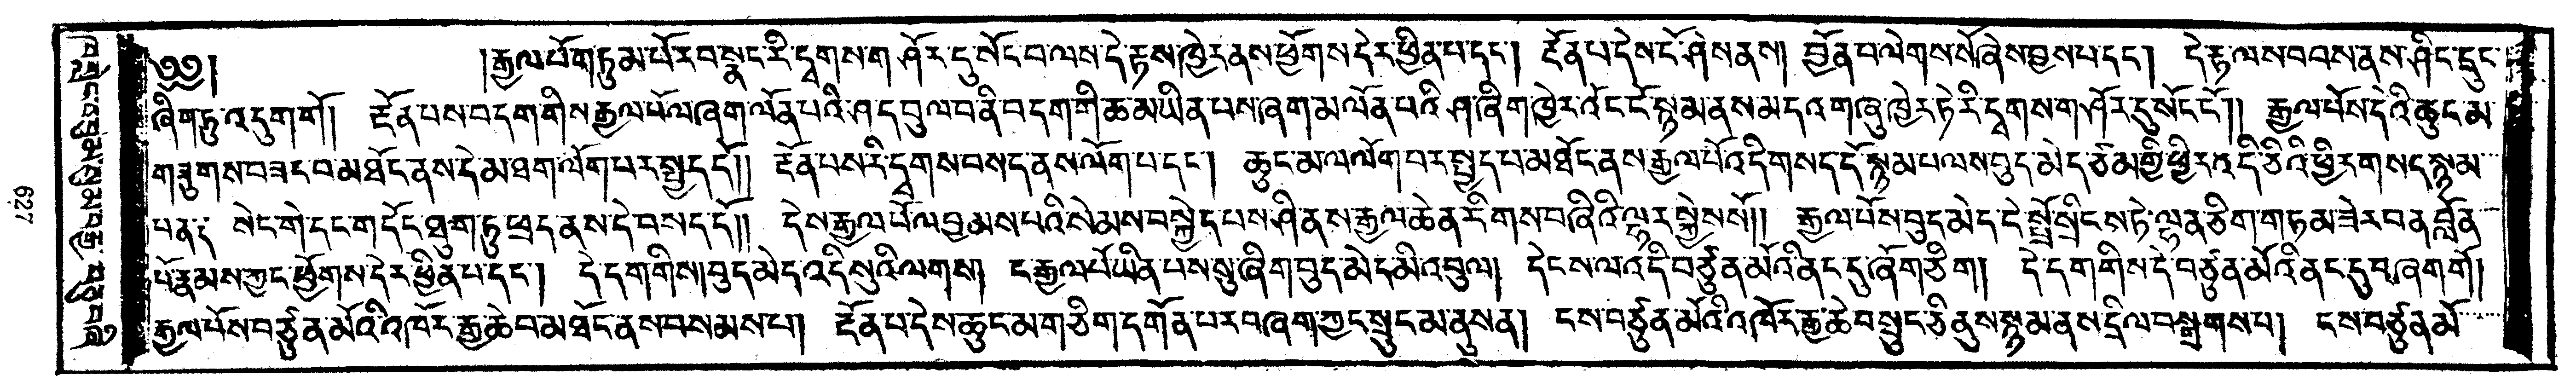༄༅། །རྒྱལ་པོ་གཏུམ་པོ་རབ་སྣང་རི་དྭགས་གཤོར་དུ་སོང་བ་ལས་དེ་རྟས་ཁྱེར་ནས་ཕྱོགས་དེར་ཕྱིན་པ་དང་། རྔོན་པ་དེས་ངོ་ཤེས་ནས། བྱོན་པ་ལེགས་སོ་ཞེས་བྱས་པ་དང་། དེ་རྟ་ལས་བབས་ནས་ཤིང་དྲུང་
ཞིག་ཏུ་འདུག་གོ། རྔོན་པས་བདག་གིས་རྒྱལ་པོ་ལ་ཞག་ལོན་པའི་ཤ་དབུལ་བ་ནི་བདག་གི་ཆ་མ་ཡིན་པས་ཞག་མ་ལོན་པའི་ཤ་ཞིག་ཁྱེར་འོང་ངོ་སྙམ་ནས་མདའ་གཞུ་ཁྱེར་ཏེ་རི་དྭགས་གཤོར་དུ་སོང་ངོ།། རྒྱལ་པོས་དེའི་ཆུང་མ་
གཟུགས་བཟང་བ་མཐོང་ནས་དེ་མ་ཐག་ལོག་པར་སྤྱད་དོ།། རྔོན་པས་རི་དྭགས་བསད་ནས་ལོག་པ་དང་། ཆུང་མ་ལ་ལོག་པར་སྤྱད་པ་མཐོང་ནས་རྒྱལ་པོ་འདི་གསད་དོ་སྙམ་པ་ལས་བུད་མེད་ཙམ་གྱི་ཕྱིར་འདི་ཅིའི་ཕྱིར་གསད་སྙམ་
པན༑ སེང་གེ་དང་གདོང་ཐུག་ཏུ་ཕྲད་ནས་དེ་བསད་དོ།། དེས་རྒྱལ་པོ་ལ་བྱམས་པའི་སེམས་བསྐྱེད་པས་ཤི་ནས་རྒྱལ་ཆེན་རིགས་བཞིའི་ལྷར་སྐྱེས་སོ།། རྒྱལ་པོས་བུད་མེད་དེ་སྤྲོ་སྲིངས་ཏེ་ལྷན་ཅིག་གཏམ་ཟེར་བ་ན་བློན་
པོ་རྣམས་ཀྱང་ཕྱོགས་དེར་ཕྱིན་པ་དང་། དེ་དག་གིས། བུད་མེད་འདི་སུའི་ལགས། ང་རྒྱལ་པོ་ཡིན་པས་སུ་ཞིག་བུད་མེད་མི་འབུལ། དེངས་ལ་འདི་བཙུན་མོའི་ནང་དུ་ཞོག་ཅིག། དེ་དག་གིས་དེ་བཙུན་མོའི་ནང་དུ་བཞག་གོ།
རྒྱལ་པོས་བཙུན་མོའི་འཁོར་རྒྱ་ཆེ་བ་མཐོང་ནས་བསམས་པ། རྔོན་པ་དེས་ཆུང་མ་གཅིག་དགོན་པར་བཞག་ཀྱང་སྲུང་མ་ནུས་ན། ངས་བཙུན་མོའི་འཁོར་རྒྱ་ཆེ་བསྲུང་ཅི་ནུས་སྙམ་ནས་དྲིལ་བསྒྲགས་པ། ངས་བཙུན་མོ་